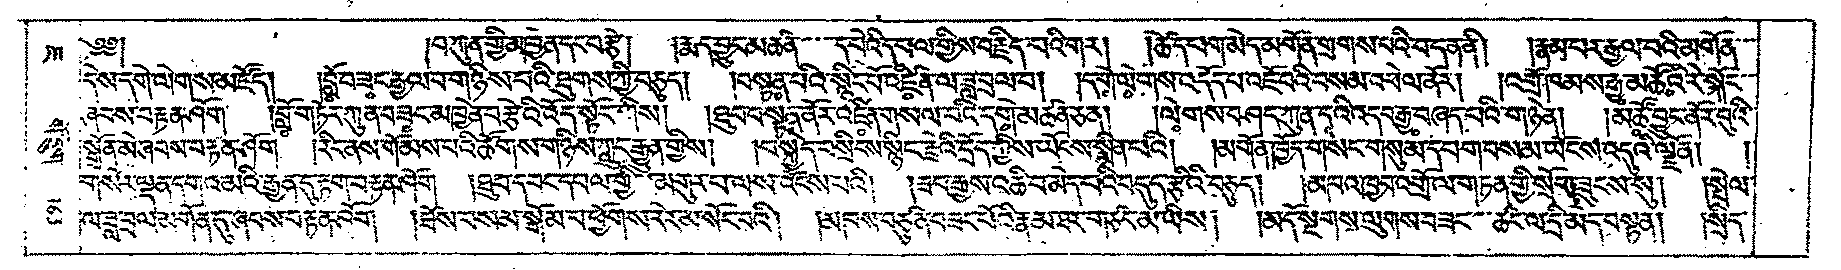༄༅། །བ་ཀུན་གྱི་མཁྱེན་དང་བརྩེ། །རྨད་བྱུང་མཚན་དཔེའི་དཔལ་གྱིས་བརྗིད་པའི་གར། །ཚེ་དཔག་མེད་མགོན་གྲགས་པའི་བ་དན་ནི། །རྣམ་པར་རྒྱལ་བའི་མགོན་
དེས་དགེ་ལེགས་མཛོད། །བློ་བཟང་རྒྱལ་བ་གཉིས་པའི་ཐུགས་ཀྱི་བཅུད། །བསྟན་པའི་སྙིང་པོ་འཛིན་ལ་ཟླ་བྲལ་བ། །དགེ་ལེགས་འདོད་པ་འཇོ་བའི་བསམ་འཕེལ་ནོར། །འགྲོ་ཁམས་རྒྱ་མཚོའི་རེ་སྐོང་
ཞབས་བརྟན་ཤོག །བློ་གཏེར་ཀུན་བཟང་མཁྱེན་བརྩེའི་འོད་སྟོང་གིས། །ཐུབ་བསྟན་ནོར་འཛིན་གསལ་བའི་དགེ་མཚན་ཅན། །ལེགས་བཤད་ཀུན་དཱའི་འདབ་རྒྱ་བཞད་པའི་གཉེན། །མཚོ་བྱུང་ནོར་བུའི་
སྒྲོན་མེ་ཞབས་བརྟན་ཤོག །རིང་ནས་གོམས་པའི་ཚོགས་གཉིས་ཀླུང་རྒྱུན་གྱིས། །བསྐྱེད་བསྲིངས་སྙིང་རྗེའི་དྲོད་ཀྱིས་ཡོངས་སྨིན་པའི། །མགོན་ཁྱོད་གསང་གསུམ་དཔག་བསམ་ཡོངས་འདུའི་ལྗོན། །
གསེར་ལྡན་དགའ་མའི་རྒྱན་དུ་རྟག་བརྟན་ཤོག །ཐུབ་དབང་དཔལ་གྱི་མགུར་པ་ལས་འོངས་པའི། །ཟབ་རྒྱས་འཆི་བ་མེད་པའི་བདུད་རྩིའི་བཅུད། །མཁའ་ཁྱབ་འགྲོ་ལ་གཏན་གྱི་སྲོག་ཟུངས་སུ། །སྤེལ་
ལ་ཟླ་བྲལ་མགོན་དུ་ཞབས་བརྟན་ཤོག །ཐོས་བསམ་སྒོམ་པ་ཕྱོགས་རེར་མ་སོང་བའི། །མཁས་བཙུན་བཟང་པོའི་རྣམ་ཐར་གཙང་མ་ཡིས། །མདོ་སྔགས་ལུགས་བཟང་ཚང་ལ་དྲི་མེད་བསྟན། །སྲིད་